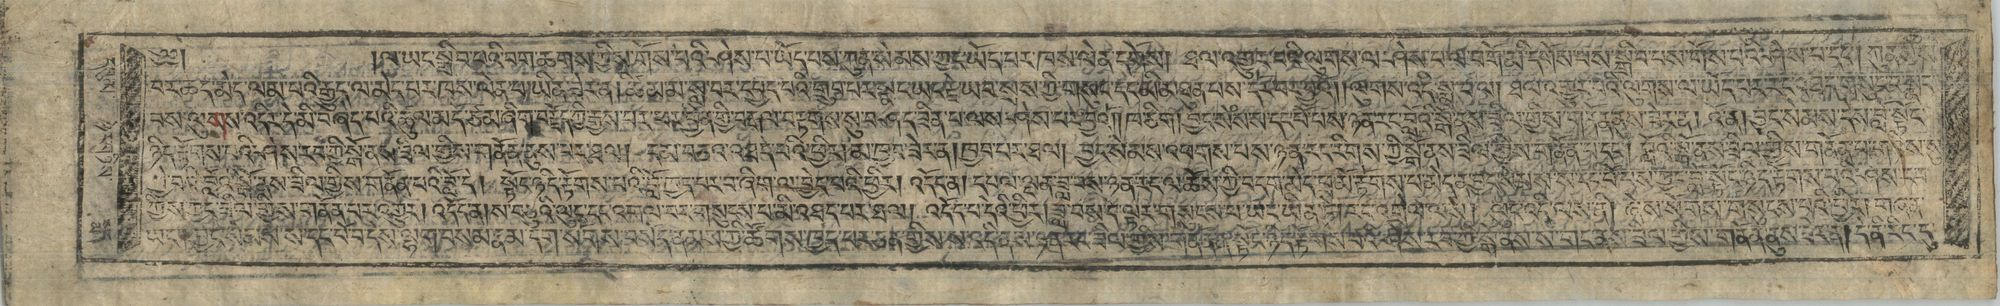༄༅། །ལ་ཡང་སྒྲིབ་པའི་བག་ཆགས་ཀྱིས་གོས་པའི་ཤེས་པ་ཡོད་པས་ཀུན་སེམས་ཀྱང་ཡོད་བར་ཁས་ལེན་དགོས། ཐལ་འགྱུར་བའི་ལུགས་ལ་ཤེས་པ་ལ་བགོ་མི་དགོས་པས་སྒྲིབ་པས་གོས་པའི་ཤེས་པ་དང་། ཀུན་སས་
བར་ཆད་མེད་ལམ་པའི་རྒྱུད་ལ་མེད་པར་ཁས་ལེན་པ་ཡིན་ཟེར་ན། ཚིམ་མ་སླ་བར་དཔྱད་པའི་གྲུབ་པར་སྣང་ཡང་རྗེ་ཡབ་སྲས་ཀྱི་གསུང་དང་མི་མཐུན་པས་དོར་བར་བྱའོ། །ལུགས་འདི་སྨྲ་བ་ལ། ཐལ་འགྱུར་བའི་ལུགས་ལ་ཡོད་པར་རང་འཐད་གསུང་བ་སྣང་
བས་ལུགས་འདིར་དེ་མི་བཞེད་པའི་ཚུལ་མདོ་ཙམ་ཞིག་བརྗོད་ཀྱི་རྒྱས་བར་ཕར་ཕྱིན་གྱི་བརྒལ་བརྟགས་སུ་བཤད་ཟིན་པ་ལས་ཤེས་པར་བྱའོ། །ཁ་ཅིག །བྱང་སེམས་ས་དང་པོ་པས་ཉན་རང་བློའི་སྒོ་ནས་ཟིལ་གྱིས་གནོན་ནུས་ཟེར་ན། འོ་ན། བྱང་སེམས་དེས་བློ་སྟོང་
ཉིད་རྟོགས་པའི་ཤེས་རབ་ཀྱི་སྒོ་ནས་ཟིལ་གྱིས་གནོན་ནུས་པར་ཐལ། དམ་བཅའ་འཐད་པའི་ཕྱིར། མ་ཁྱབ་ཟེར་ན། ཁྱབ་པར་ཐལ། བྱང་སེམས་འཕགས་པས་ཉན་རང་རིགས་ཀྱི་སྒོ་ནས་ཟིལ་གྱིས་གནོན་པ་དང་། བློའི་སྒོ་ནས་ཟིལ་གྱིས་གནོན་པ་གཉིས་སུ་
ཕྱེ་བའི་བློའི་སྒོ་ནས་ཟིལ་གྱིས་གནོན་པའི་བློ་དེ། སྟོང་ཉིད་རྟོགས་པའི་བློ་ཁྱད་པར་བ་ཞིག་ལ་བྱེད་པའི་ཕྱིར། འདོད་ན། དཔལ་ལྡན་ཟླ་བས་ཉན་རང་ལ་ཆོས་ཀྱི་བདག་མེད་ཕྲ་མོ་རྟོགས་པ་མེད་ན་བྱང་སེམས་ས་དང་པོ་པས་ཀྱང་བློ་སྟོང་ཉིད་རྟོགས་པའི་ཤེས་རབ་
ཀྱིས་ཀྱང་ཟིལ་གྱིས་གནོན་པར་འགྱུར། འདོད་ན། ས་བཅུའི་ལུང་དང་འགལ་བར་གསུངས་པ་མི་འཐད་པར་ཐལ། འདོད་པ་དེའི་ཕྱིར། ཟླ་བས་དེ་ལྟར་གསུངས་པ་ཡང་ཡིན་ཏེ། རང་འགྲེལ་ལས། ལུང་འདི་ལས་ནི། ཞེས་སོགས་གསུངས་པའི་ཕྱིར། གཞན་
ཡང་། བྱང་སེམས་ས་དང་པོ་བ་དེས་ལྷག་བསམ་རྣམ་དག་སོགས་བསོད་ནམས་ཀྱི་ཚོགས་ཁྱད་བར་ཅན་གྱིས་ས་འདི་ནས་ཉན་རང་ཟིལ་གྱིས་གནོན་ན་སྟོང་ཉིད་རྟོགས་པའི་ཤེས་རབ་ཀྱི་སྒོ་ནས་ས་གང་ནས་ཟིལ་གྱིས་གནོན་ནུས་ཟེར་ན། དེ་ནི་རིང་དུ་